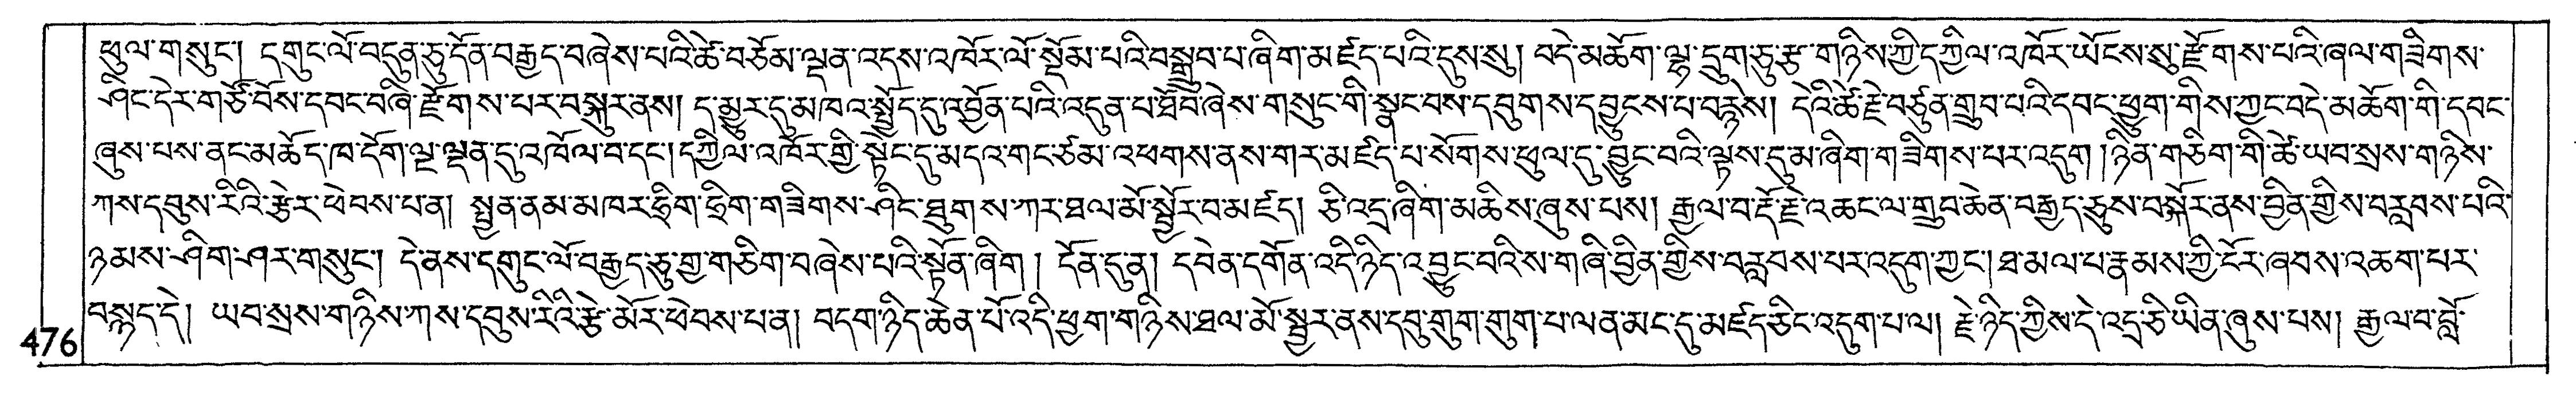ཕུལ་གསུང་། དགུང་ལོ་བདུན་ཅུ་དོན་བརྒྱད་བཞེས་པའི་ཚེ་བཅོམ་ལྡན་འདས་འཁོར་ལོ་སྡོམ་པའི་བསྒྲུབ་པ་ཞིག་མཛད་པའི་དུས་སུ། བདེ་མཆོག་ལྷ་དྲུག་ཅུ་རྩ་གཉིས་ཀྱི་དཀྱིལ་འཁོར་ཡོངས་སུ་རྫོགས་པའི་ཞལ་གཟིགས་
ཤིང་དེར་གཙོ་བོས་དབང་བཞི་རྫོགས་པར་བསྐུར་ནས། ད་མྱུར་དུ་མཁའ་སྤྱོད་དུ་འབྱོན་པའི་འདུན་པ་ཐོབ་ཞེས་གསུང་གི་སྣང་བས་དབུགས་དབྱུངས་པ་བརྙེས། དེའི་ཚེ་རྗེ་བཙུན་གྲུབ་པའི་དབང་ཕྱུག་གིས་ཀྱང་བདེ་མཆོག་གི་དབང་
ཞུས་པས་ནང་མཆོད་ཁ་དོག་ལྔ་ལྡན་དུ་འཁོལ་བ་དང་། དཀྱིལ་འཁོར་གྱི་སྟེང་དུ་མདའ་གང་ཙམ་འཕགས་ནས་གར་མཛད་པ་སོགས་ཕུལ་དུ་བྱུང་བའི་ལྟས་དུ་མ་ཞིག་གཟིགས་པར་འདུག །ཉིན་གཅིག་གི་ཚེ་ཡབ་སྲས་གཉིས་
ཀས་དབུས་རིའི་རྩེར་ཕེབས་པ་ན། སྤྱན་ནམ་མཁར་ཧྲིག་ཧྲིག་གཟིགས་ཤིང་ཐུགས་ཀར་ཐལ་མོ་སྦྱོར་བ་མཛད། ཅི་འདྲ་ཞིག་མཆིས་ཞུས་པས། རྒྱལ་བ་རྡོ་རྗེ་འཆང་ལ་གྲུབ་ཆེན་བརྒྱད་ཅུས་བསྐོར་ནས་བྱིན་གྱིས་བརླབས་པའི་
ཉམས་ཤིག་ཤར་གསུང་། དེ་ནས་དགུང་ལོ་བརྒྱད་ཅུ་གྱ་གཅིག་བཞེས་པའི་སྟོན་ཞིག །དོན་དུ་ན། དབེན་དགོན་འདི་ཉིད་འབྱུང་བའི་ས་གཞི་བྱིན་གྱིས་བརླབས་པར་འདུག་ཀྱང་། ཐ་མལ་པ་རྣམས་ཀྱི་ངོར་ཞབས་འཆག་པར་
བསྙད་དེ། ཡབ་སྲས་གཉིས་ཀས་དབུས་རིའི་རྩེ་མོར་ཕེབས་པ་ན། བདག་ཉིད་ཆེན་པོ་འདི་ཕྱག་གཉིས་ཐལ་མོ་སྦྱར་ནས་དབུ་གུག་གུག་པ་ལན་མང་དུ་མཛད་ཅིང་འདུག་པ་ལ། རྗེ་ཉིད་ཀྱིས་དེ་འདྲ་ཅི་ཡིན་ཞུས་པས། རྒྱལ་བ་བློ་